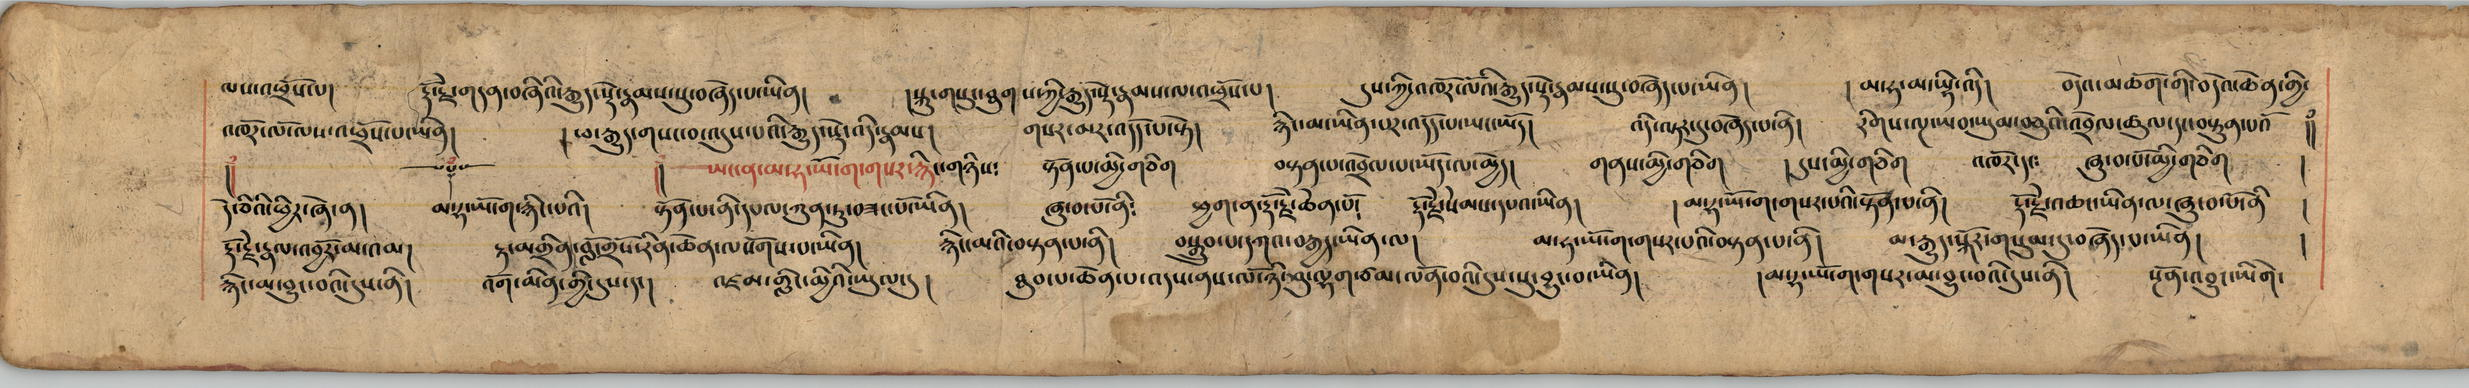ལས་འཕྲོས་པ། རྡོ་རྗེ་གདན་བཞིའི་རྒྱུད་སྡེ་རྣམས་སུ་བཞེད་པ་ཡིན། །སྐུ་གསུང་ཐུགས་ཀྱི་རྒྱུད་སྡེ་རྣམས་ལ་འཕྲོས་པ། དུས་ཀྱི་འཁོར་ལོའི་རྒྱུད་སྡེ་རྣམས་སུ་བཞེད་པ་ཡིན། །མ་ཧ་མ་ཡྷི་འདི། བདེའ་མཆོག་གི་བདེའ་ཆེན་གྱི་
འཁོར་ལོ་ལས་འཕྲོས་པ་ཡིན། །ཕ་རྒྱུད་གསང་བ་འདུས་པཔའི་རྒྱུད་སྡེ་འདི་རྣམས། གསར་མར་འདོད་པ་སྟེ། རྙིང་མ་ཡིན་པར་འདོད་པ་ཡང་ཡོད། འདི་ལྟར་དུ་བཞེད་པ་ནི། རིགས་ལྔ་ཡབ་ཡུམ་བཅུའི་འབྲེལ་ཚུལ་དང་བསྟུན་པའོ །།
།། ཡང་ན་མ་ཧ་ཡོ་ག་གསར་རྙིང་གཉིས༴ སྟོན་པ་མྱི་གཅིག བསྟན་པ་འབྲེལ་པ་ཡོད་ལ་མྱེད། གནས་མྱི་གཅིག །དུས་མྱི་གཅིག འཁོར་དང༴ ཞུ་བ་པོ་མྱི་གཅིག
དེ་ཅིའི་ཕྱིར་ཞེ་ན། མ་ཧ་ཡོ་ག་རྙིང་པའི། སྟོན་པ་ནི་དཔལ་ཀུན་ཏུ་བཟང་པོ་ཡིན། ཞུ་བ་པོ་ནི༴ ཕྱག་ན་རྡོ་རྗེ་ཆེན་པོ། རྡོ་རྗེ་སེམས་དོའ་ཡིན། །མ་ཧ་ཡོ་ག་གསར་པའི་སྟོན་པ་ནི། རྡོ་རྗེ་འཆང་ཡིན་ལ་ཞུ་བ་པོ་ནི
རྡོ་རྗེ་རྣལ་འབྱོར་མ་འམ། རྟ་མགྲིན་བློ་གྲོས་རིན་ཆེན་ལསོགས་པ་ཡིན། རྙིང་མའི་བསྟན་པ་ནི། བསྒྲུབ་པ་དཀའ་བརྒྱད་ཡིན་ལ། མ་ཧ་ཡོ་ག་གསར་པའི་བསྟན་པ་ནི། མ་རྒྱུད་སྐོར་གསུམ་དུ་བཞེད་པ་ཡིན།
རྙིང་མ་བྱུང་བའི་དུས་ནི། འོག་མིན་གྱི་དུས་དང། འཛམ་གླིང་མྱིའི་ཡུལ་དུ། ཐུབ་པ་ཆེན་པ་འདས་ནས་ལོ་ཉི་ཤུ་ལྷག་ཙམ་ལོན་བའི་དུས་སུ་བྱུང་བ་ཡིན། །མ་ཧ་ཡོ་ག་གསར་མ་བྱུང་བའི་དུས་ནི། སྔོན་འབྱུང་ཡིགེ་